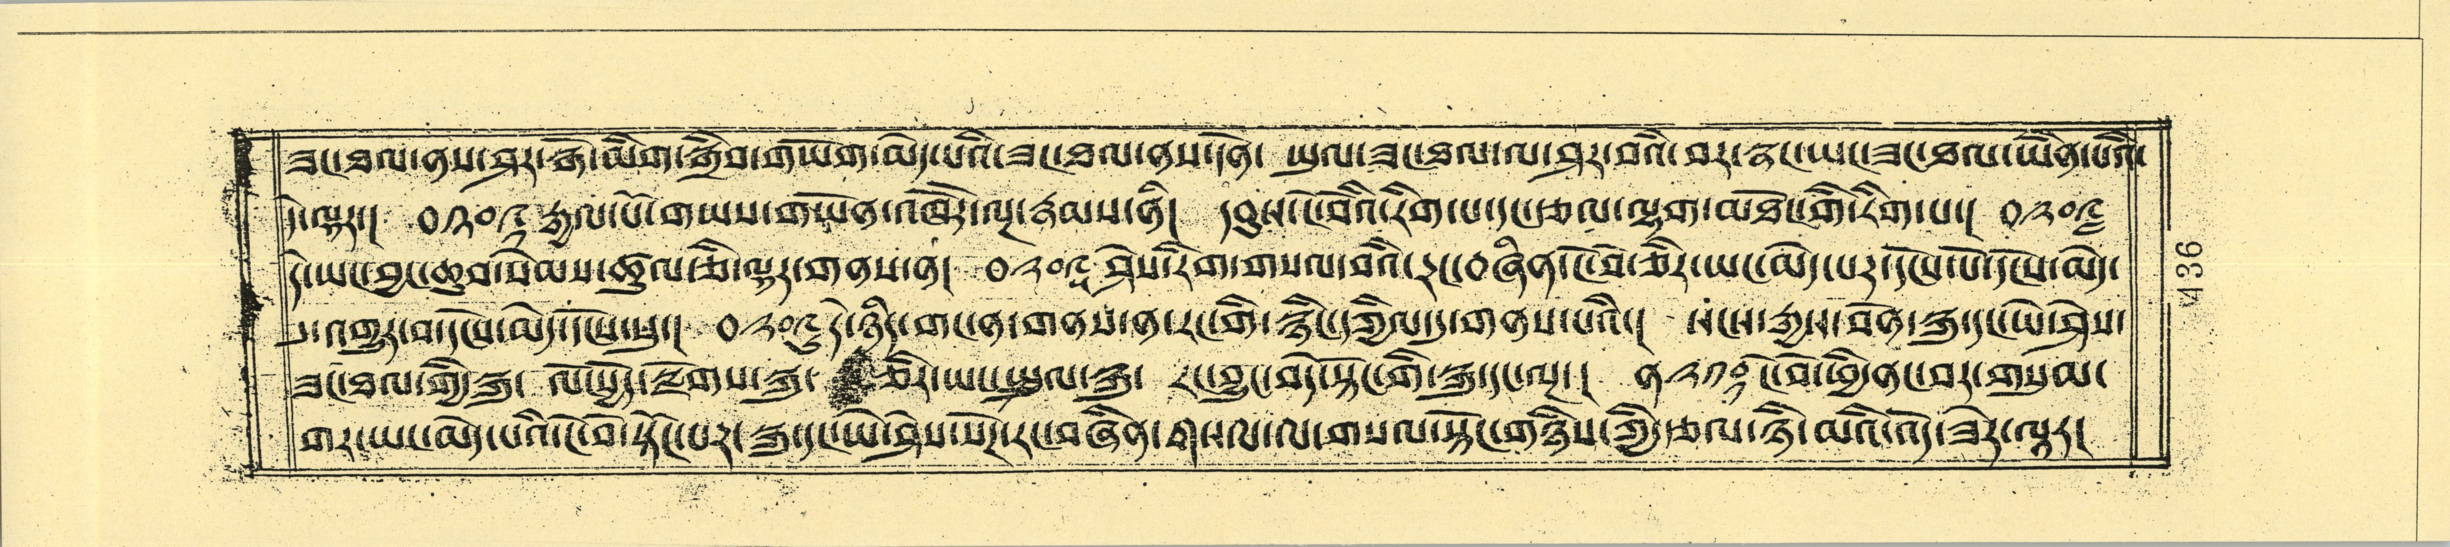ཟང་ཐལ་ནས་ཤར་སྒོ་མིག་སྒྲིབ་གཡོགས་མེད་པའི་ཟང་ཐལ་ནས་དོན། ཡུལ་ཟང་ཐལ་ལ་ཤར་བའི་བར་སྣང་ཡང་ཟང་ཐལ་ཡིན་པའི་
དེ་ལྟར་ བ༢༠༩།༡༼རྒྱལ་པོ༽གཡས་གཡོན་འཁོར་ལོ་ལྔ་རྣམས་ནི།༼དབུས༽ངོ་བོའི་རིག་པ་དང་རྩལ་ལྷག་མཐོང་གི་རིག་པ་ བ༢༠༩།༤
དེ་ཡང་བྱང་ཆུབ་སེམས་ཚུལ་ཅི་ལྟར་གནས་ན་ བ༢༠༩།༥ ཤེས་རིག་གསལ་བའི་རང་བཞིན་ངོ་བོ་ཅིར་ཡང་མེད་པར་དངོས་པོ་དངོས་མེད་
དུ་འགྱུར་བ་དངོས་མེད་དངོས་སུ་ བ༢༠༩།༦༼དེ་ཉིད༽གང་ན་གནས་པ་རང་གི་སྙིང་དཀྱིལ་དུ་གནས་པའི་༼སངས་རྒྱས༽བོན་སྐུ་དང་ཡེ་ཤེས་
ཟང་ཐལ་གྱི་སྐུ་ལོངས་སྤྱོད་རྫོགས་སྐུ། ཅིར་ཡང་སྤྲུལ་སྐུ། རང་བྱུང་བདེ་སྟོང་གི་སྐུ་དང་ལྔ། ན༢༡༠།༡ངོ་བོ་ཕྱི་ནང་བར་གསུམ་
གར་ཡང་མེད་པའི་ངོ་བོ་སྟོང་པར་སྐུ་དང་ཡེ་ཤེས་སོགས་རང་བཞིན་གསལ་ལ་གསལ་སྟོང་གཉིས་ཀྱི་རྩལ་ཉི་མའི་འོད་ཟེར་ལྟར་